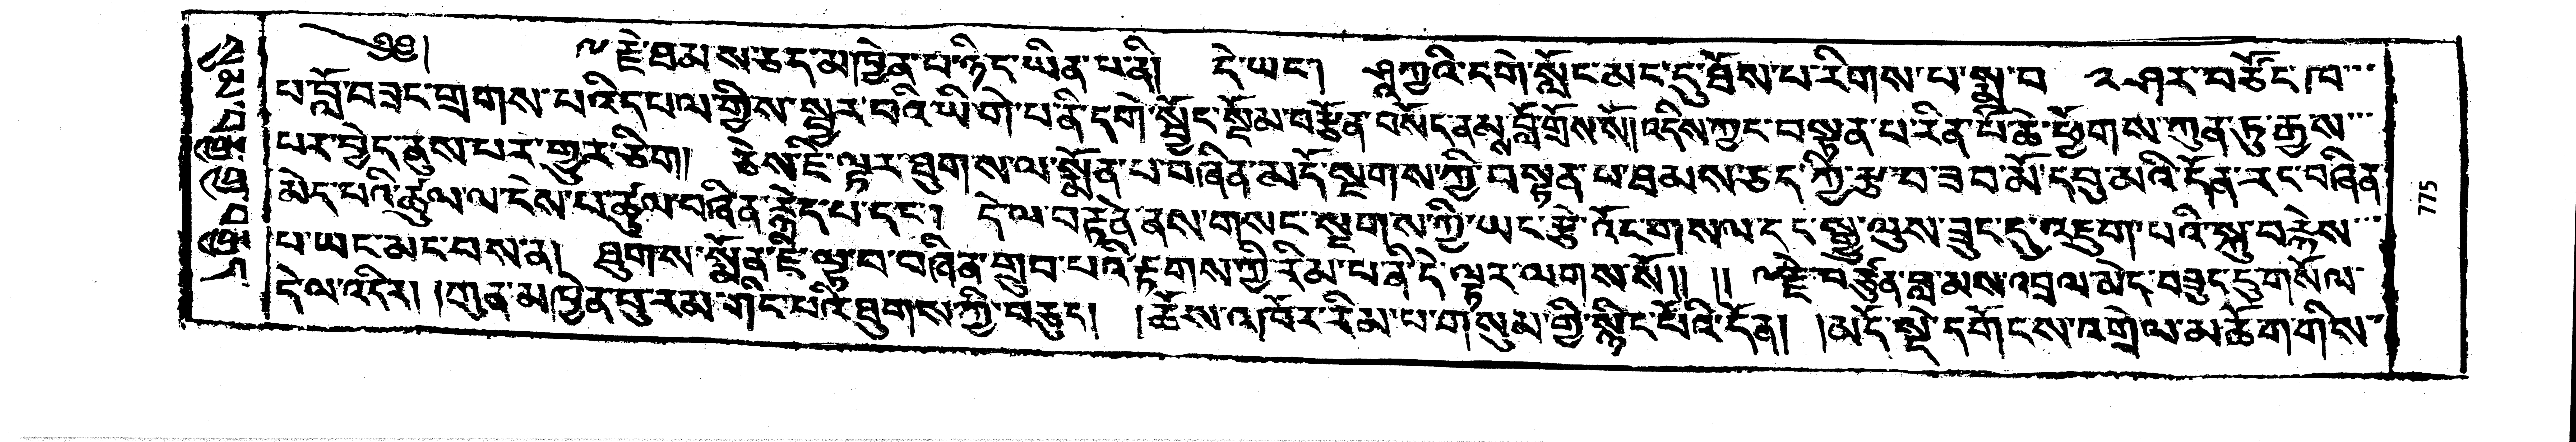༄༅། །༧རྗེ་ཐམས་ཅད་མཁྱེན་པ་ཉིད་ཡིན་པ་ནི། དེ་ཡང་། ཤཱཀྱའི་དགེ་སློང་མང་དུ་ཐོས་པ་རིགས་པ་སྨྲ་བ ༢་ཤར་བཙོང་ཁ་
པ་བློ་བཟང་གྲགས་པའི་དཔལ་གྱིས་སྦྱར་བའི་ཡི་གེ་པ་ནི་དགེ་སྦྱོང་སྡོམ་བརྩོན་བསོད་ནམས་བློ་གྲོས་སོ། འདིས་ཀྱང་བསྟན་པ་རིན་པོ་ཆེ་ཕྱོགས་ཀུན་ཏུ་རྒྱས་
པར་བྱེད་ནུས་པར་གྱུར་ཅིག། ཅེས་ཇི་ལྟར་ཐུགས་ལ་སྨོན་པ་བཞིན་མདོ་སྔགས་ཀྱི་བསྟན་པ་ཐམས་ཅད་ཀྱི་རྩ་བ་ཟབ་མོ་དབུ་མའི་དོན་རང་བཞིན་
མེད་པའི་ཚུལ་ལ་ངེས་པ་ཚུལ་བཞིན་རྙེད་པ་དང་། དེ་ལ་བརྟེན་ནས་གསང་སྔགས་ཀྱི་ཡང་རྩེ་འོང་གསལ་དང་སྒྱུ་ལུས་ཟུང་དུ་འཇུག་པའི་སྐུ་བརྙེས་
པ་ཡང་མང་བས་ན། ཐུགས་སྨོན་ཇི་ལྟ་བ་བཞིན་གྲུབ་པའི་རྟགས་ཀྱི་རིམ་པ་ནི་དེ་ལྟར་ལགས་སོ།། །།༧་རྗེ་བཙུན་བླ་མས་འབྲལ་མེད་བཟུང་དུ་གསོལ་
དེ་ལ་འདིར། །ཀུན་མཁྱེན་བུ་རམ་གིང་པའི་ཐུགས་ཀྱི་བཅུང་། །ཆོས་འཁོར་རིམ་པ་གསུམ་གྱི་སྙིང་པོའི་དོན། །མདོ་སྡེ་དགོངས་འགྲེལ་མཆོག་གིས་